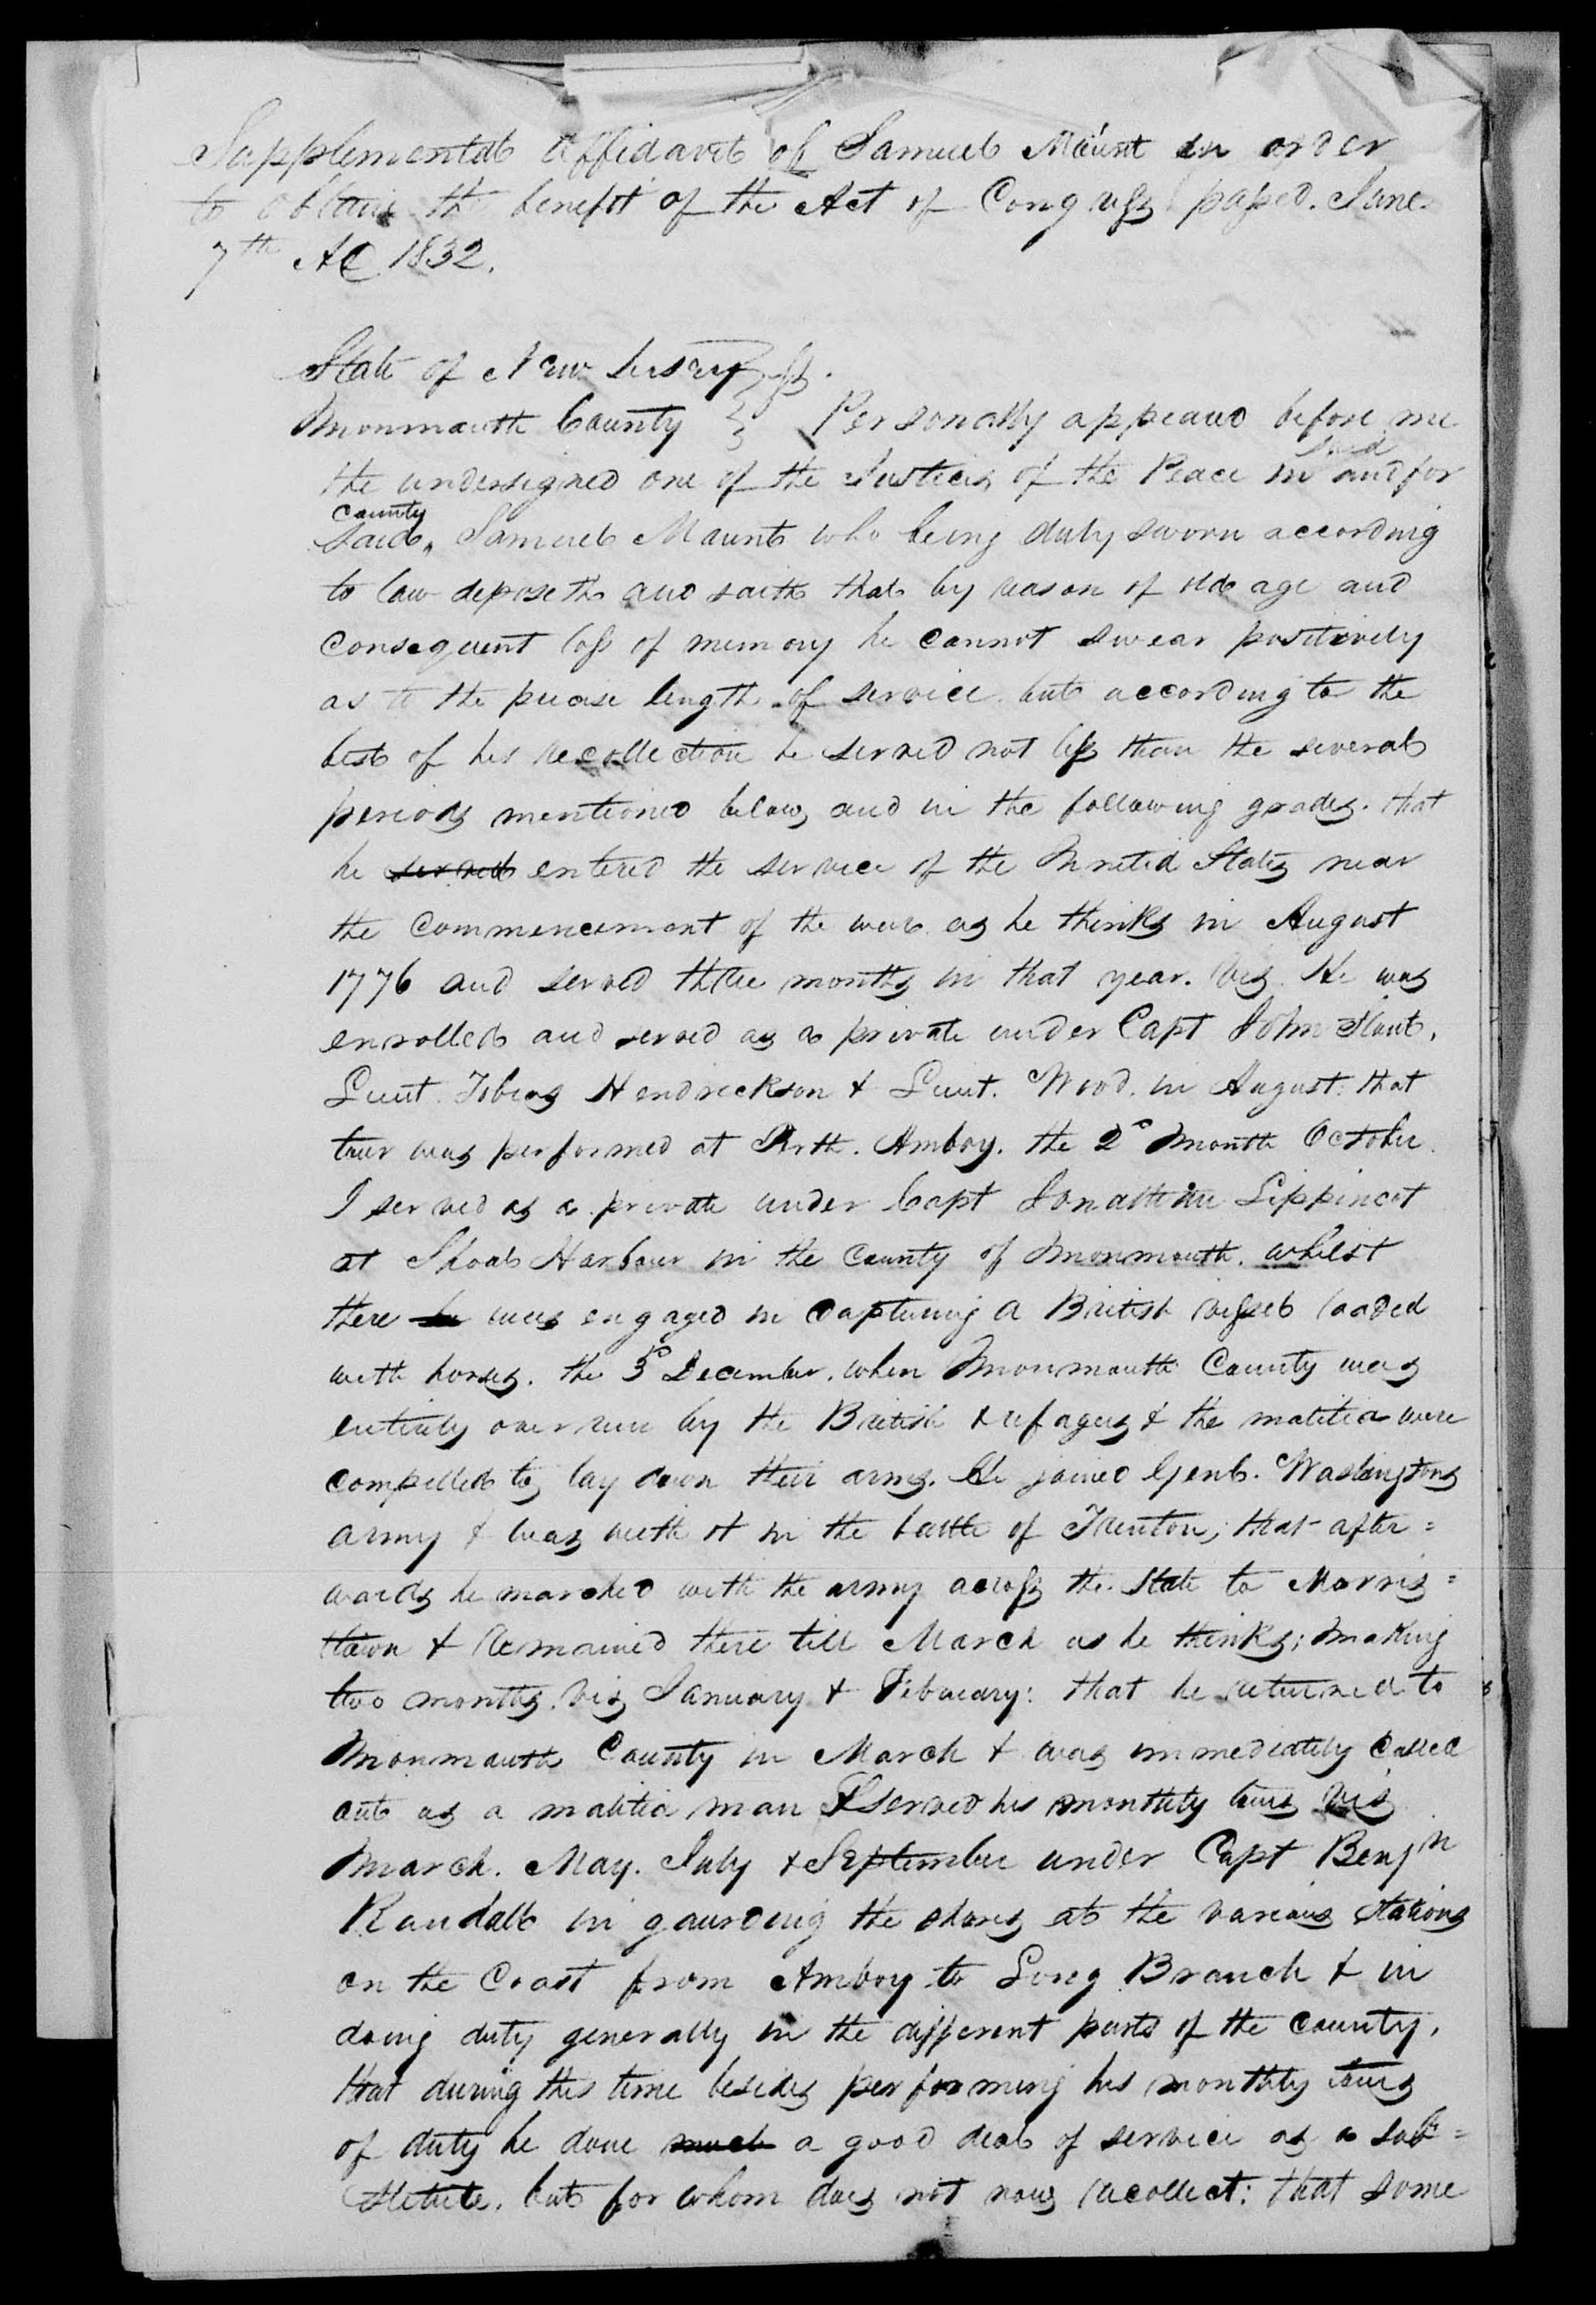Supplemental affidavit of Samuel Mount in order to obtain the benefit of the Act of Congress passed June 7th AD 1832

State of New Jersey
Monmouth County
Personally appeared before me the undersigned one of the Justices of the Peace in and for said Samuel Mount who being duly sworn according to law deposeth and saith that by reason of old age and consequent loss of memory he cannot swear positively as to the precise length of service but according to the
best of his recollection he served not less than the several persons mentioned below, and in the following grades. That he entered the service of the United States near the commencement of the war as he thinks in August 1776 and served three months in that year. [  ] He was enrolled and served as a private under Capt John Slant, Lieutenant Tobias Hendrickson & Lieutenant Wood, in August, that tour was performed at Perth Amboy, the 2nd month October I served as a private under Capt Jonathan Lippincot at Shoal Harbour in the County of Monmouth.  Whilst
there was engaged in capturing a British [vessel] loaded with horses. The 3rd December, when Monmouth County was entirely overrun by the British [   ] & the militia were compelled to lay down their arms.  He joined Genl. Washington's army & was with it in the battle of Trenton, that afterwards he marched with the army across the State to Morristown & remained there till March as he thinks, making
two months viz January & February. That he returned to Monmouth County in March & was immediately called out as a malitia man served his monthly tours viz March May July & September under Capt Benj Randall in guarding the shores at the various stations
on the coast from Amboy to Long Branch & in
doing duty generally in the different parts of the County, that during this time besides performing his monthly tours of duty he done a good deal of service as substitute, but for whom does not now recollect: that some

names: Benjn Randall; John Stout; Jonathan Lippincot; Tobias Hendrickson; [BLANK] Wood; Samuel Mount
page: 4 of 20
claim: survivor's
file: S. 2870, for Samuel Mount, New Jersey